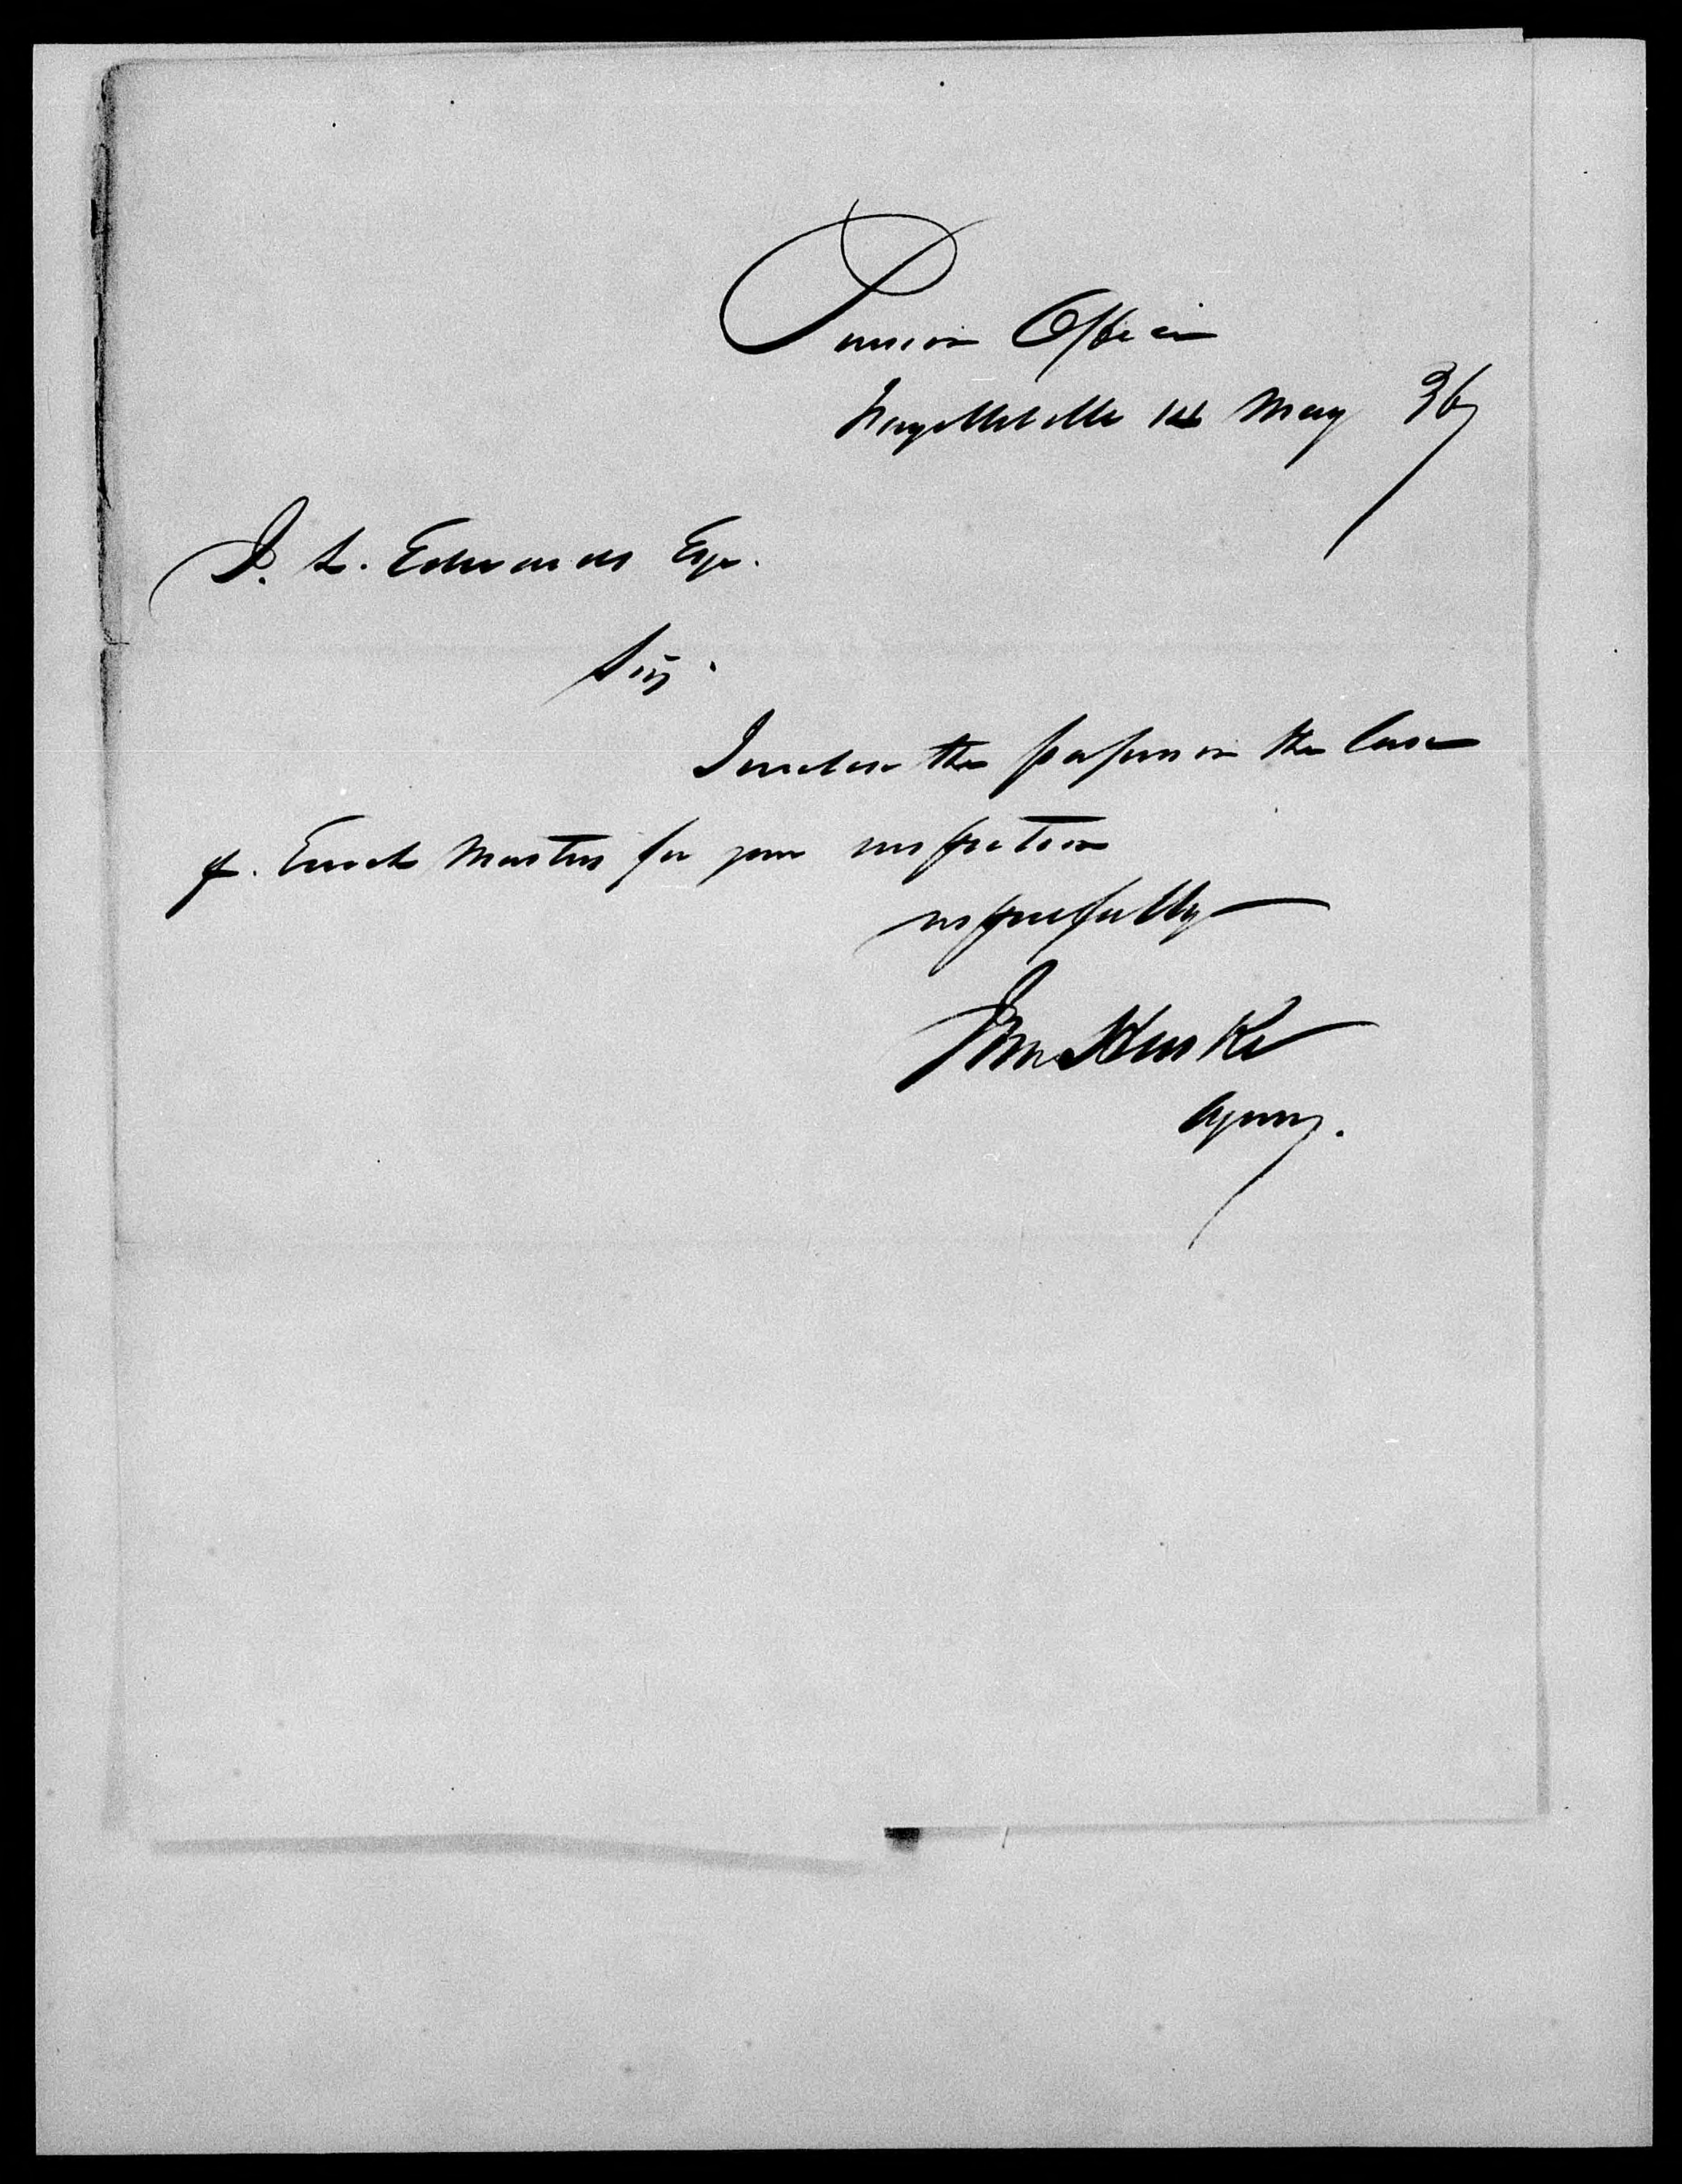Pension Office
Fayetteville 14 May 36

J L Edwards Esq.

Sir,
I enclose the papers on the [illegible] of Enoch Masters for your inspection.

Respectfully
Jno Huske
[illegible]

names: Jno Huske; J L Edwards; Enoch Masters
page: 13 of 15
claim: survivor's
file: S. 2749, for Enoch Masters, North Carolina